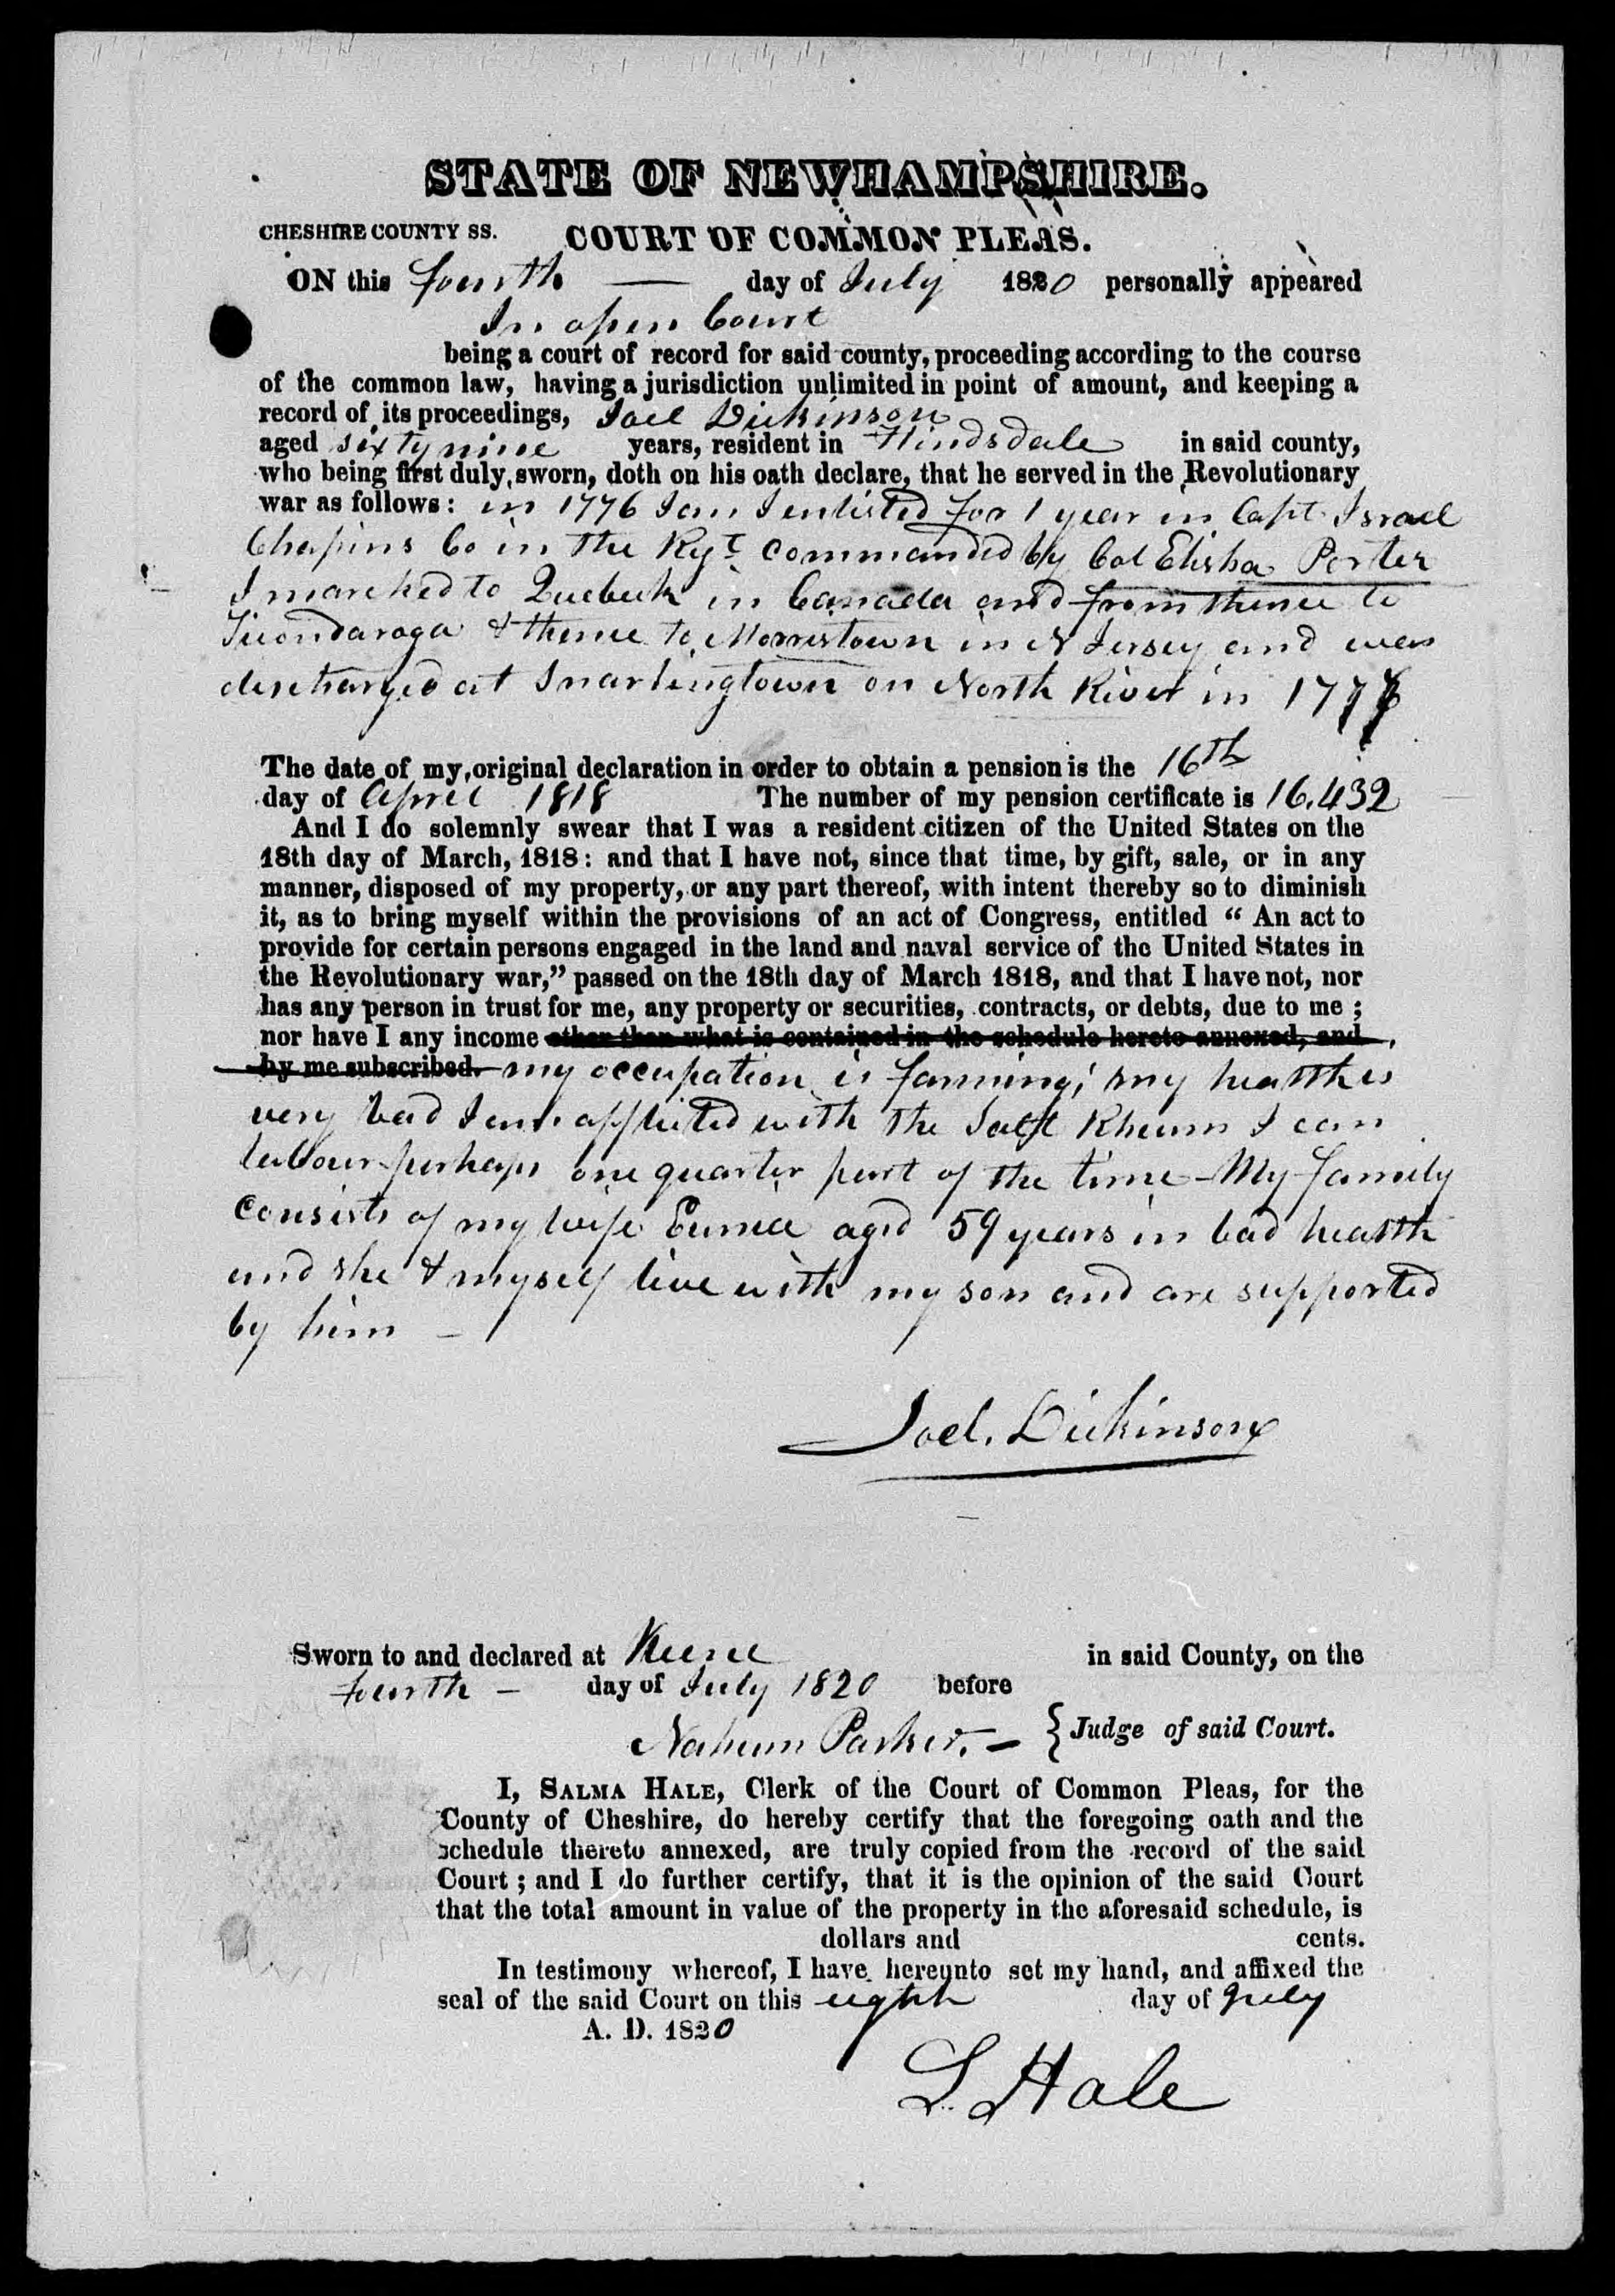State of New Hampshire.
Cheshire County SS.
Court of Common Pleas. 
On this fourth day of July 1820 personally appeared in open Court being a court of record for said county, proceeding according to the course of the common law, having a jurisdiction unlimited in point of amount, and keeping a record of its proceedings, Joel Dickinson aged sixty nine years, resident in Hindsdale in said county, who being first duly sworn, doth on his oath declare, that he seved in the Revolutionary war ad follows: in 1776 Jan. I enlisted for 1 year in Capt. Israel Chapins Com the Rgt. commanded by Col Elisha Porter. I marched to Quebeck in Canada and from there to Ticondaroga & thence to Morristown in N Jersey and was discharged at Snarlingtown on North River in 1777

the date of my original declaration in order to obtain a pension is the 16th day of April 1818 The number of my pensions certificate is 16.432
And I do solemnly swear that I was a resident citizen of the United States on the 18th day of March, 1818 : and that I have not, since that time, by gift, sale, or in any manner, disposed of my property, or any part thereof, with intent thereby so to diminish it, as to bring myself within the provisions of an act of Congress, entitled "An act to provide for certain persons engaged in the land and naval service of the United States in the Revolutionary war," passed on the 18th day of March 1818, and that I have not, nor has any person in trust for me, any property or securities, contracts, or debt, due to me ; nor have I any income [crossed out: other than what is contained in the schedule hereto annexed, and by me subscribed] my occupation is farming ; my health is very bad I am afflicted with the Soft Rheum I can labour perhaps one quarter part of the time. My family consists of my wife Eunice aged 59 years in bad health and she & myself live with my son and are supported by him -
Joel Dickinson

Sworn to and declared at Keene in said County, on the Fourth day of July 1820 before Nahum Parker { Judge of said Court.

I, Salma Hale, Clerk of the Court of Common Pleas, for the County of Cheshire, do hereby certify that the foregoing oath and the schedule thereto annexed, are truly copied from the record of the said Court ; and I do further certify, that it is the opinion of the said Court that the total amount in value of the property in the aforesaid schedule, is [blank] dollars and [blank] cents.
In testimony whereof, I have hereunto set my hand, and affixed the seal of the said Court on this eighth day of July A. D. 1820
S. Hale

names: S Hale, Eunice, Salma Hale, Elisha Porter, Nahum Parker, Joel Dickinson, Joel Dickinson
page: 5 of 31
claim: widow's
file: W. 22946, Joel Dickinson, Mass.